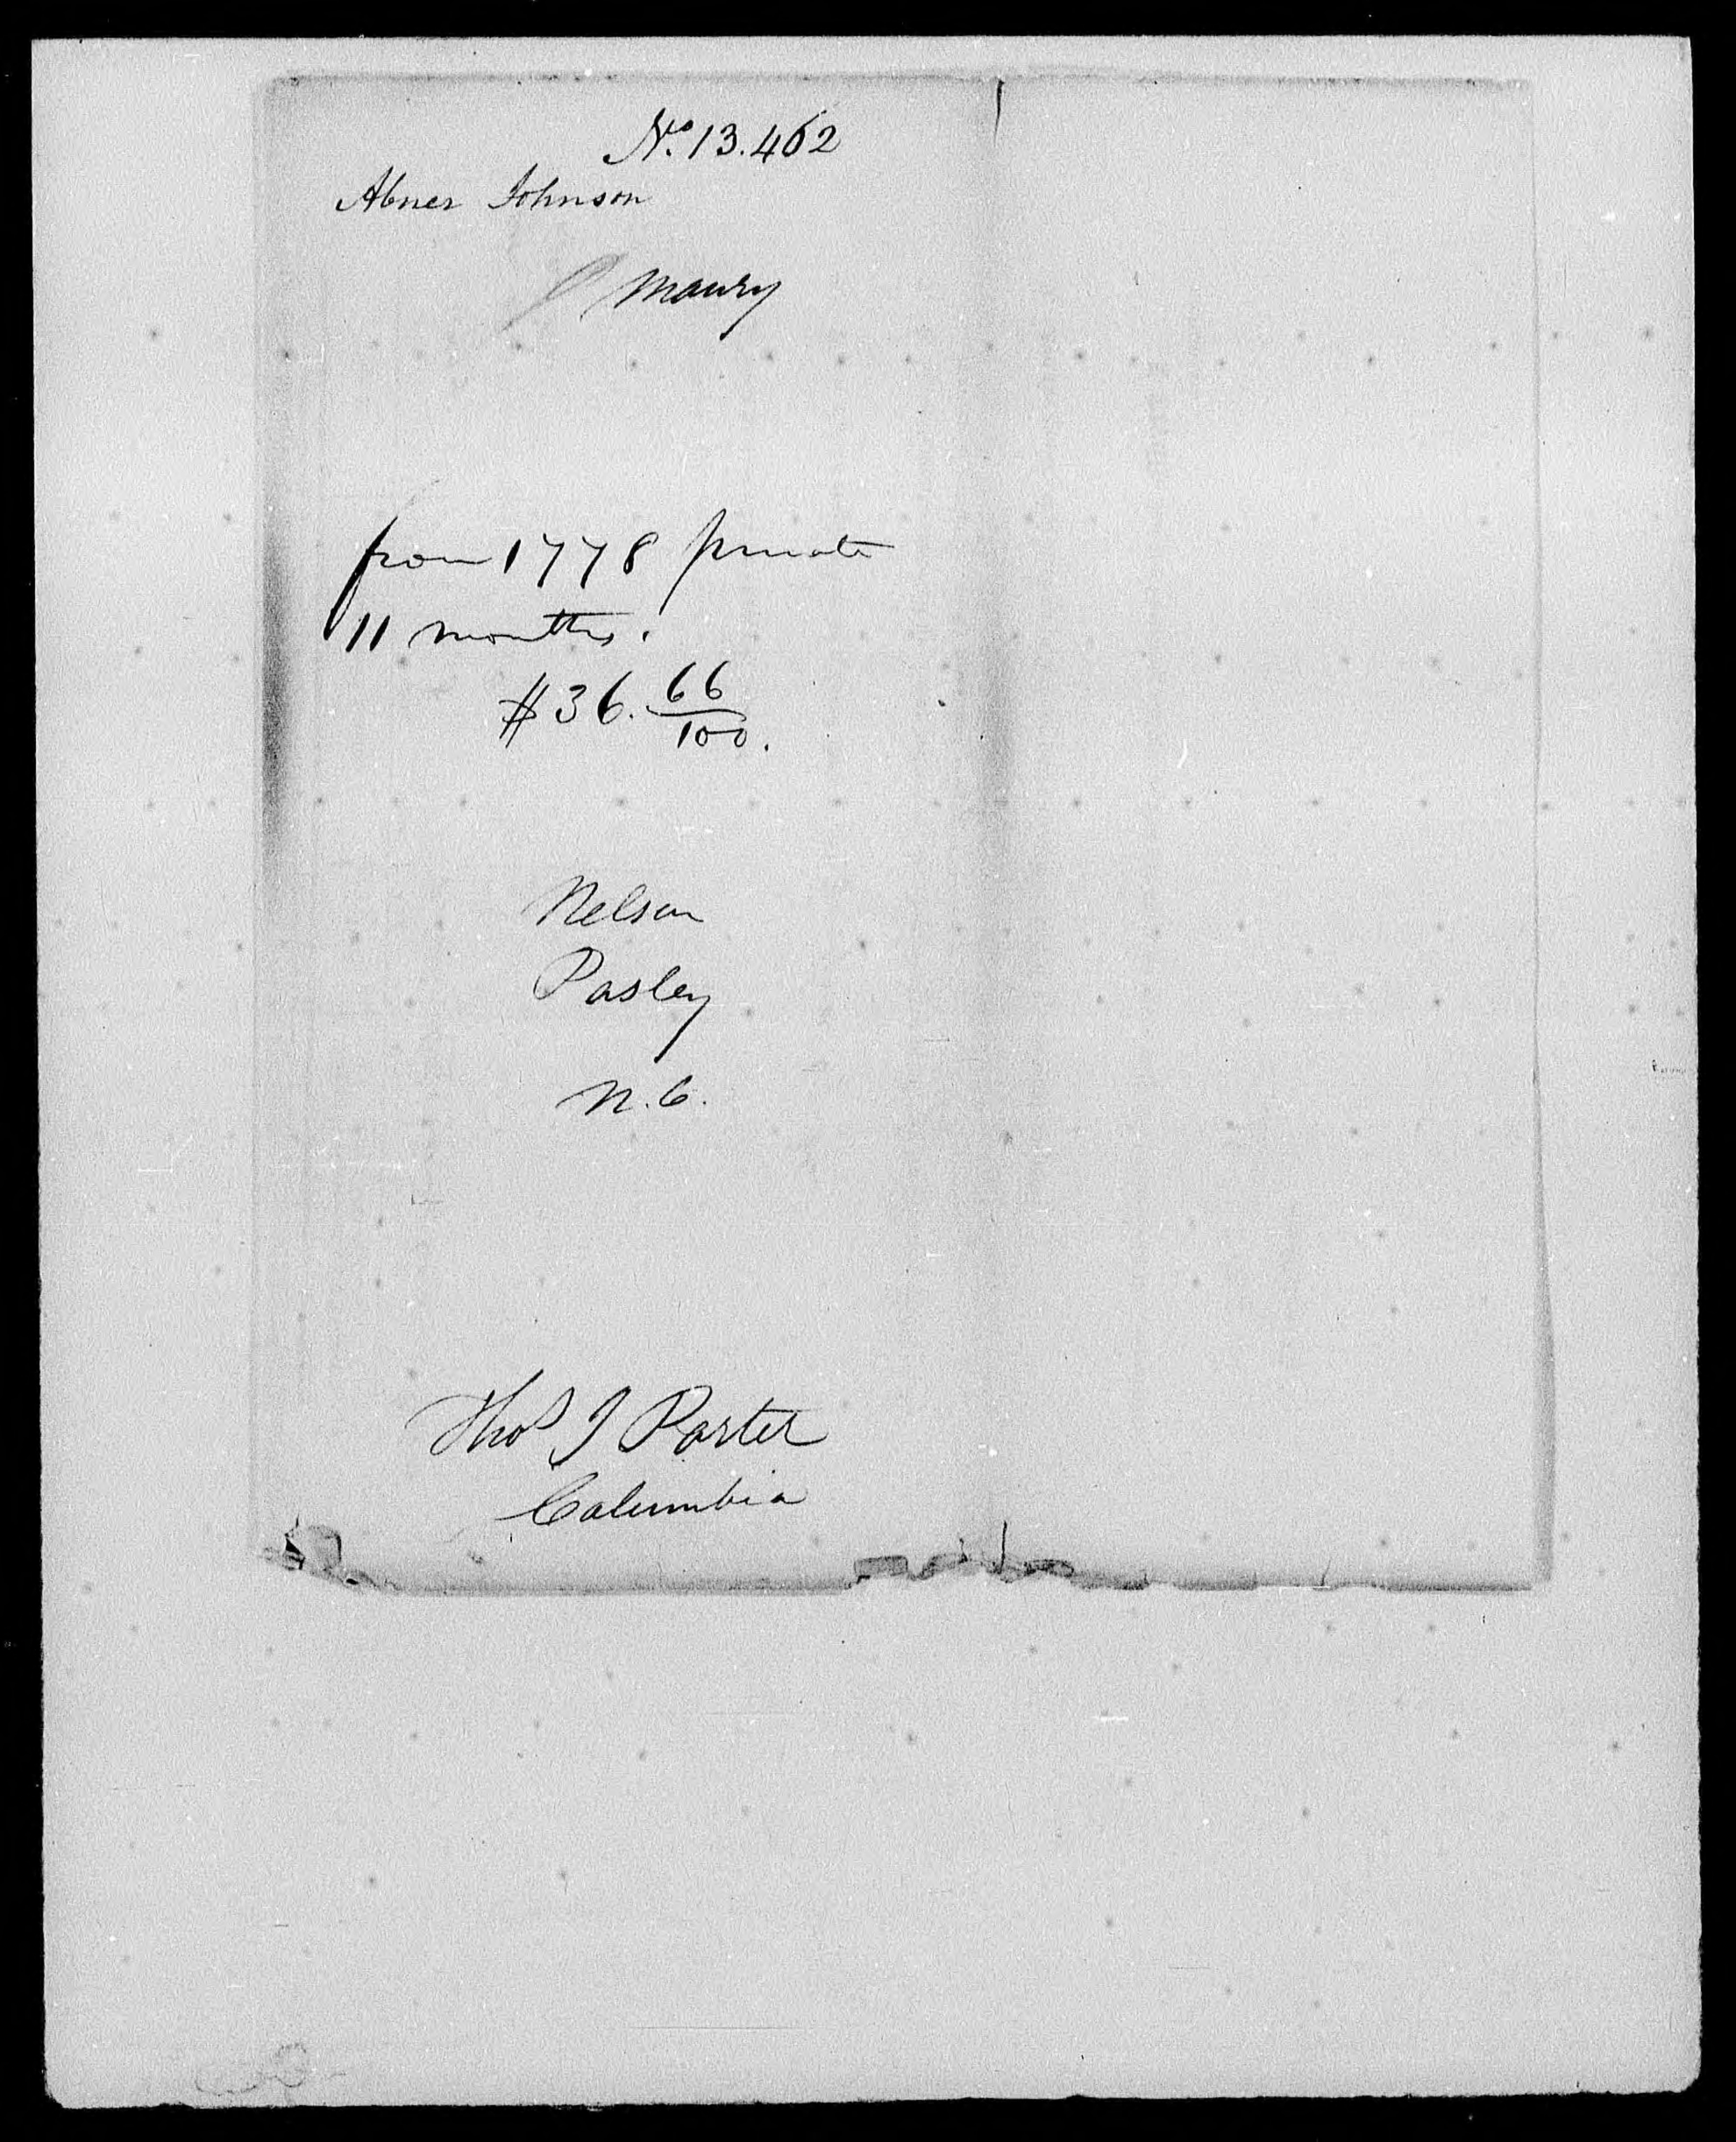(left panel)
No.13.402
Abner Johnson
Maury

From 1778 private
11 months
$36.66/10 0.
Nelson
Pasley
N.C.
Thos. J. Porter
Columbia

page: 3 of 27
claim: rejected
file: R. 5649, for Abner Johnson, North Carolina